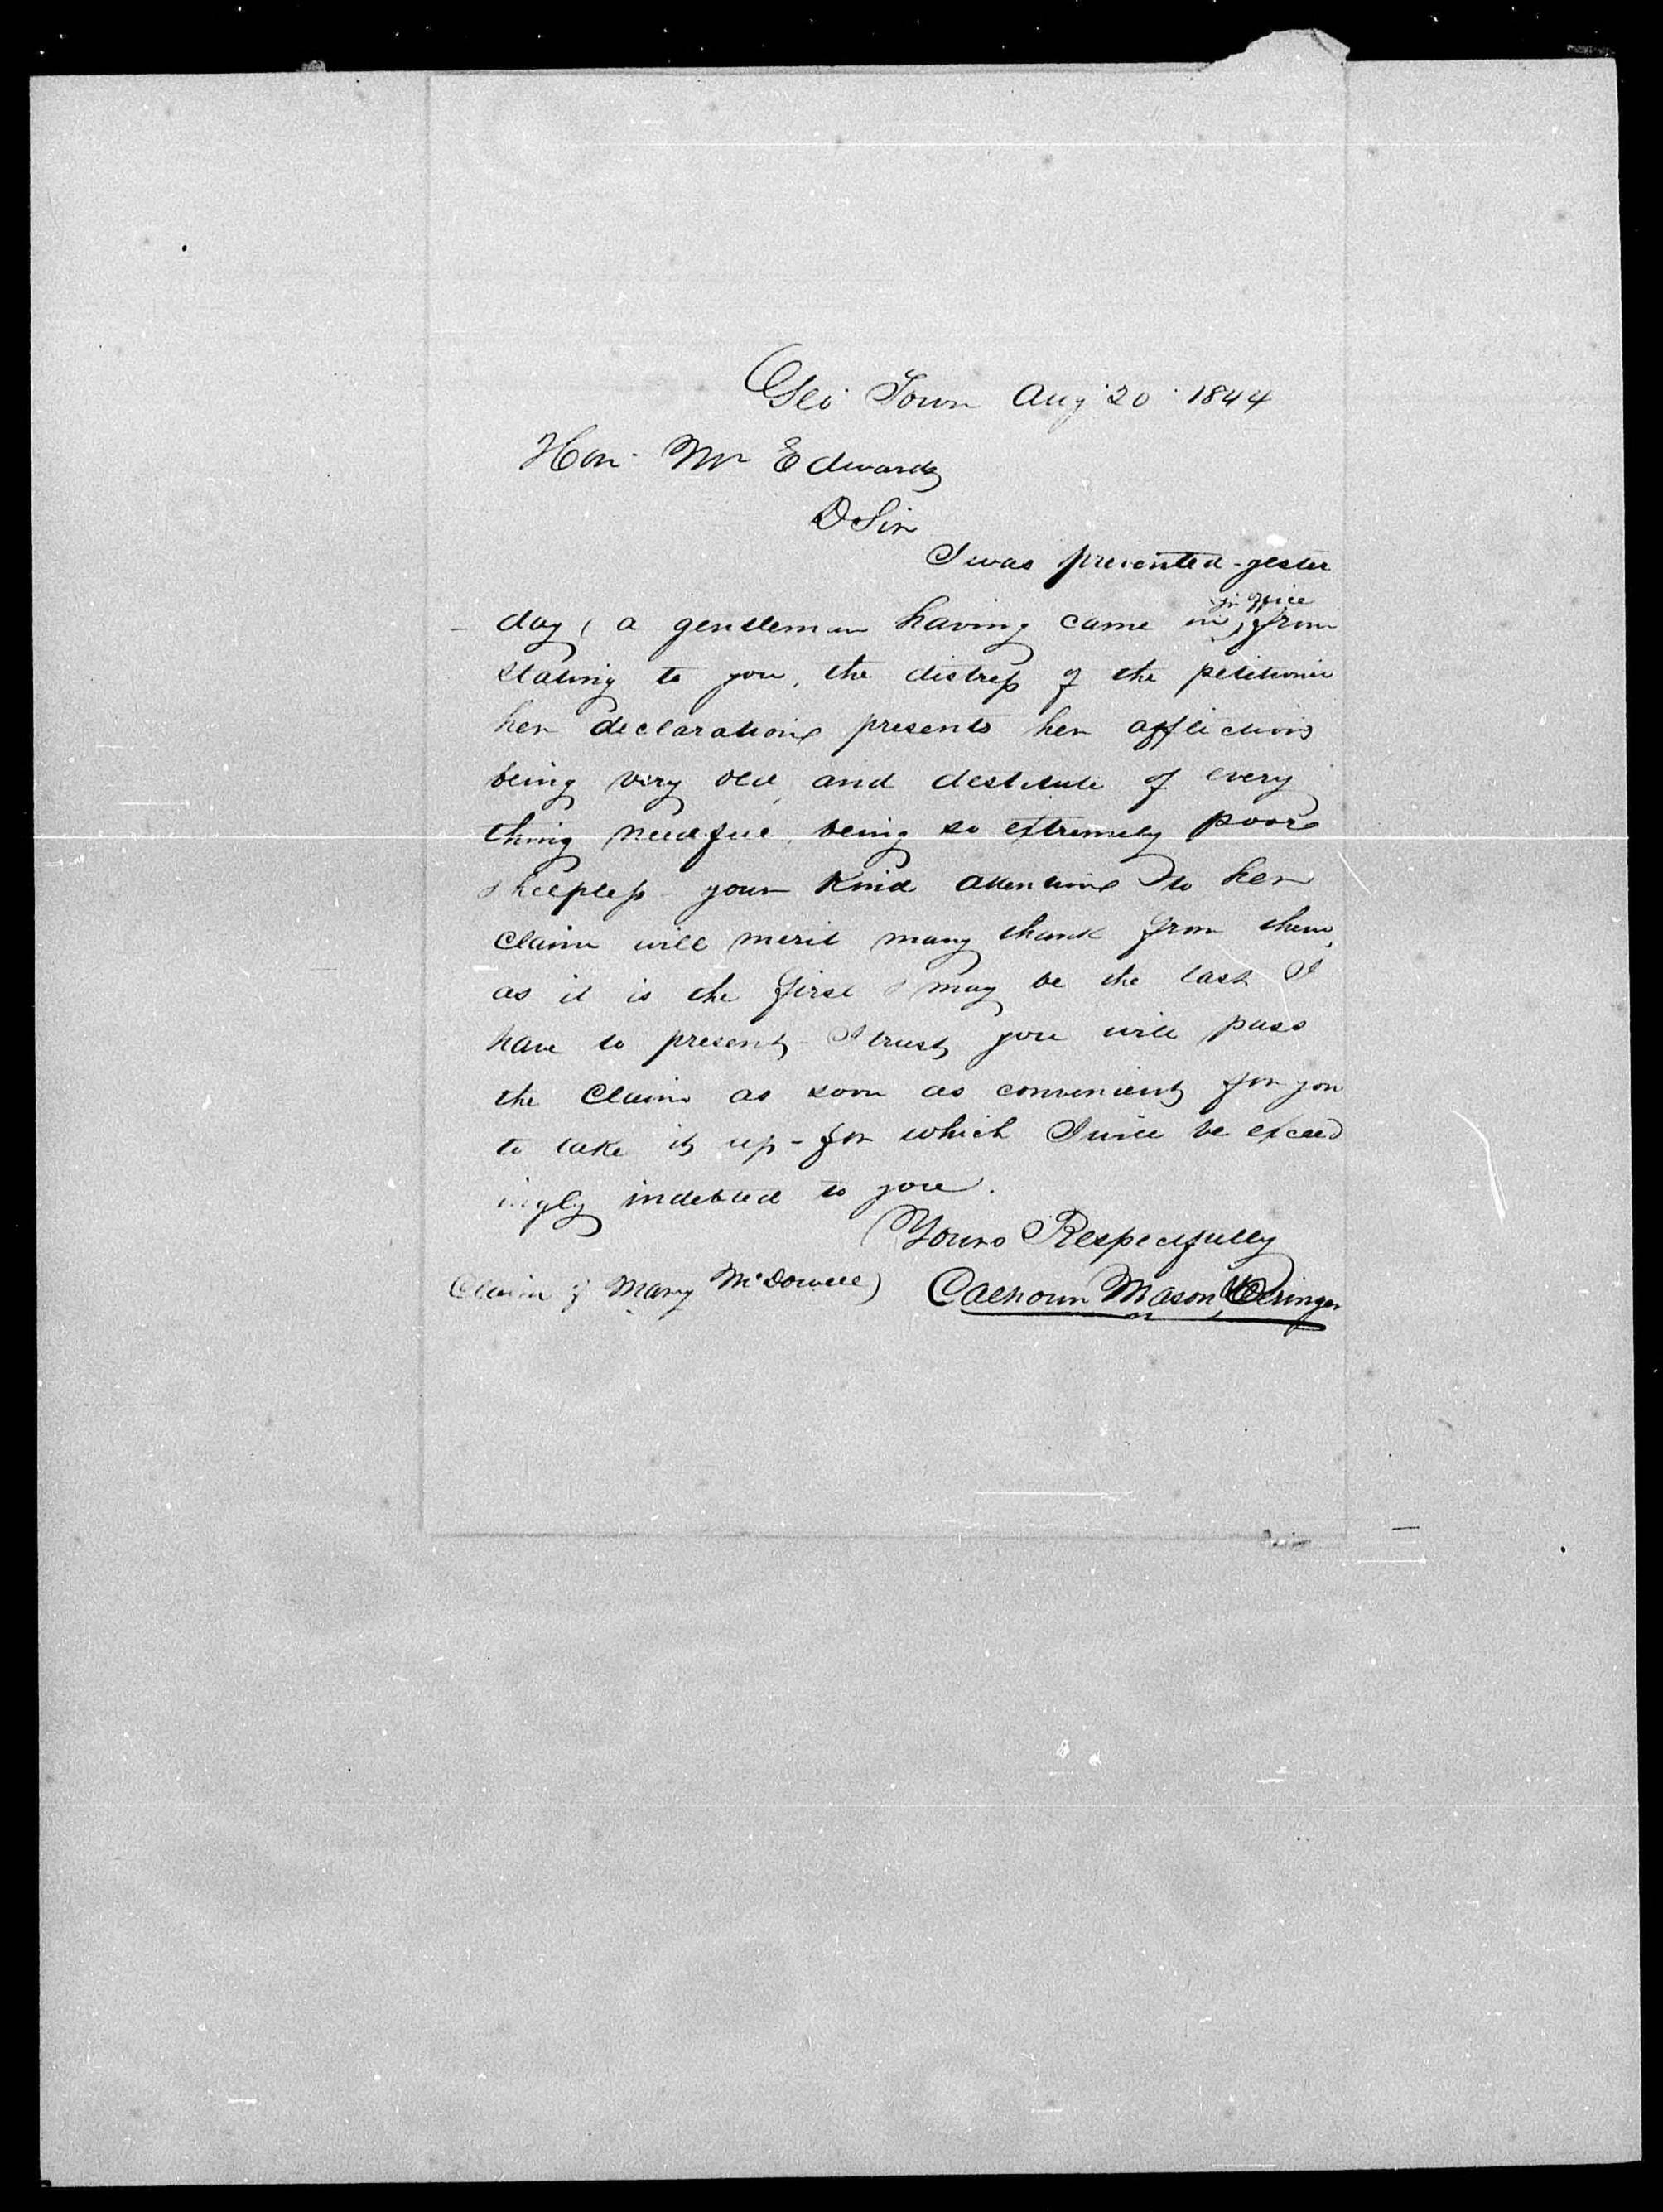[illegible] Town Aug 20 1844
Hon M.[?] Edwards

D Sir
I was prevented yesterday, a gentleman having came in the office, from stating to you, the distress of the petitioner her declaration presents her affliction, being very old and destitute of everything needful, being so extremely poor & helpless -- your kind attention to her claim will merit many thanks from him as it is the first & may be the last I have to present -- I trust you will pass the claim as soon as convincing for you to take it up -- for which I will be exceedingly indebted to you.

Yours Respectfully
Claim of Mary McDowell, Calhoun Mason Deringer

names: Mary Mc Dowell; Calhoun Mason; [BLANK] Edwards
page: 39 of 63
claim: widow's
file: W 2957, for Thomas Mc Dowell, Maryland